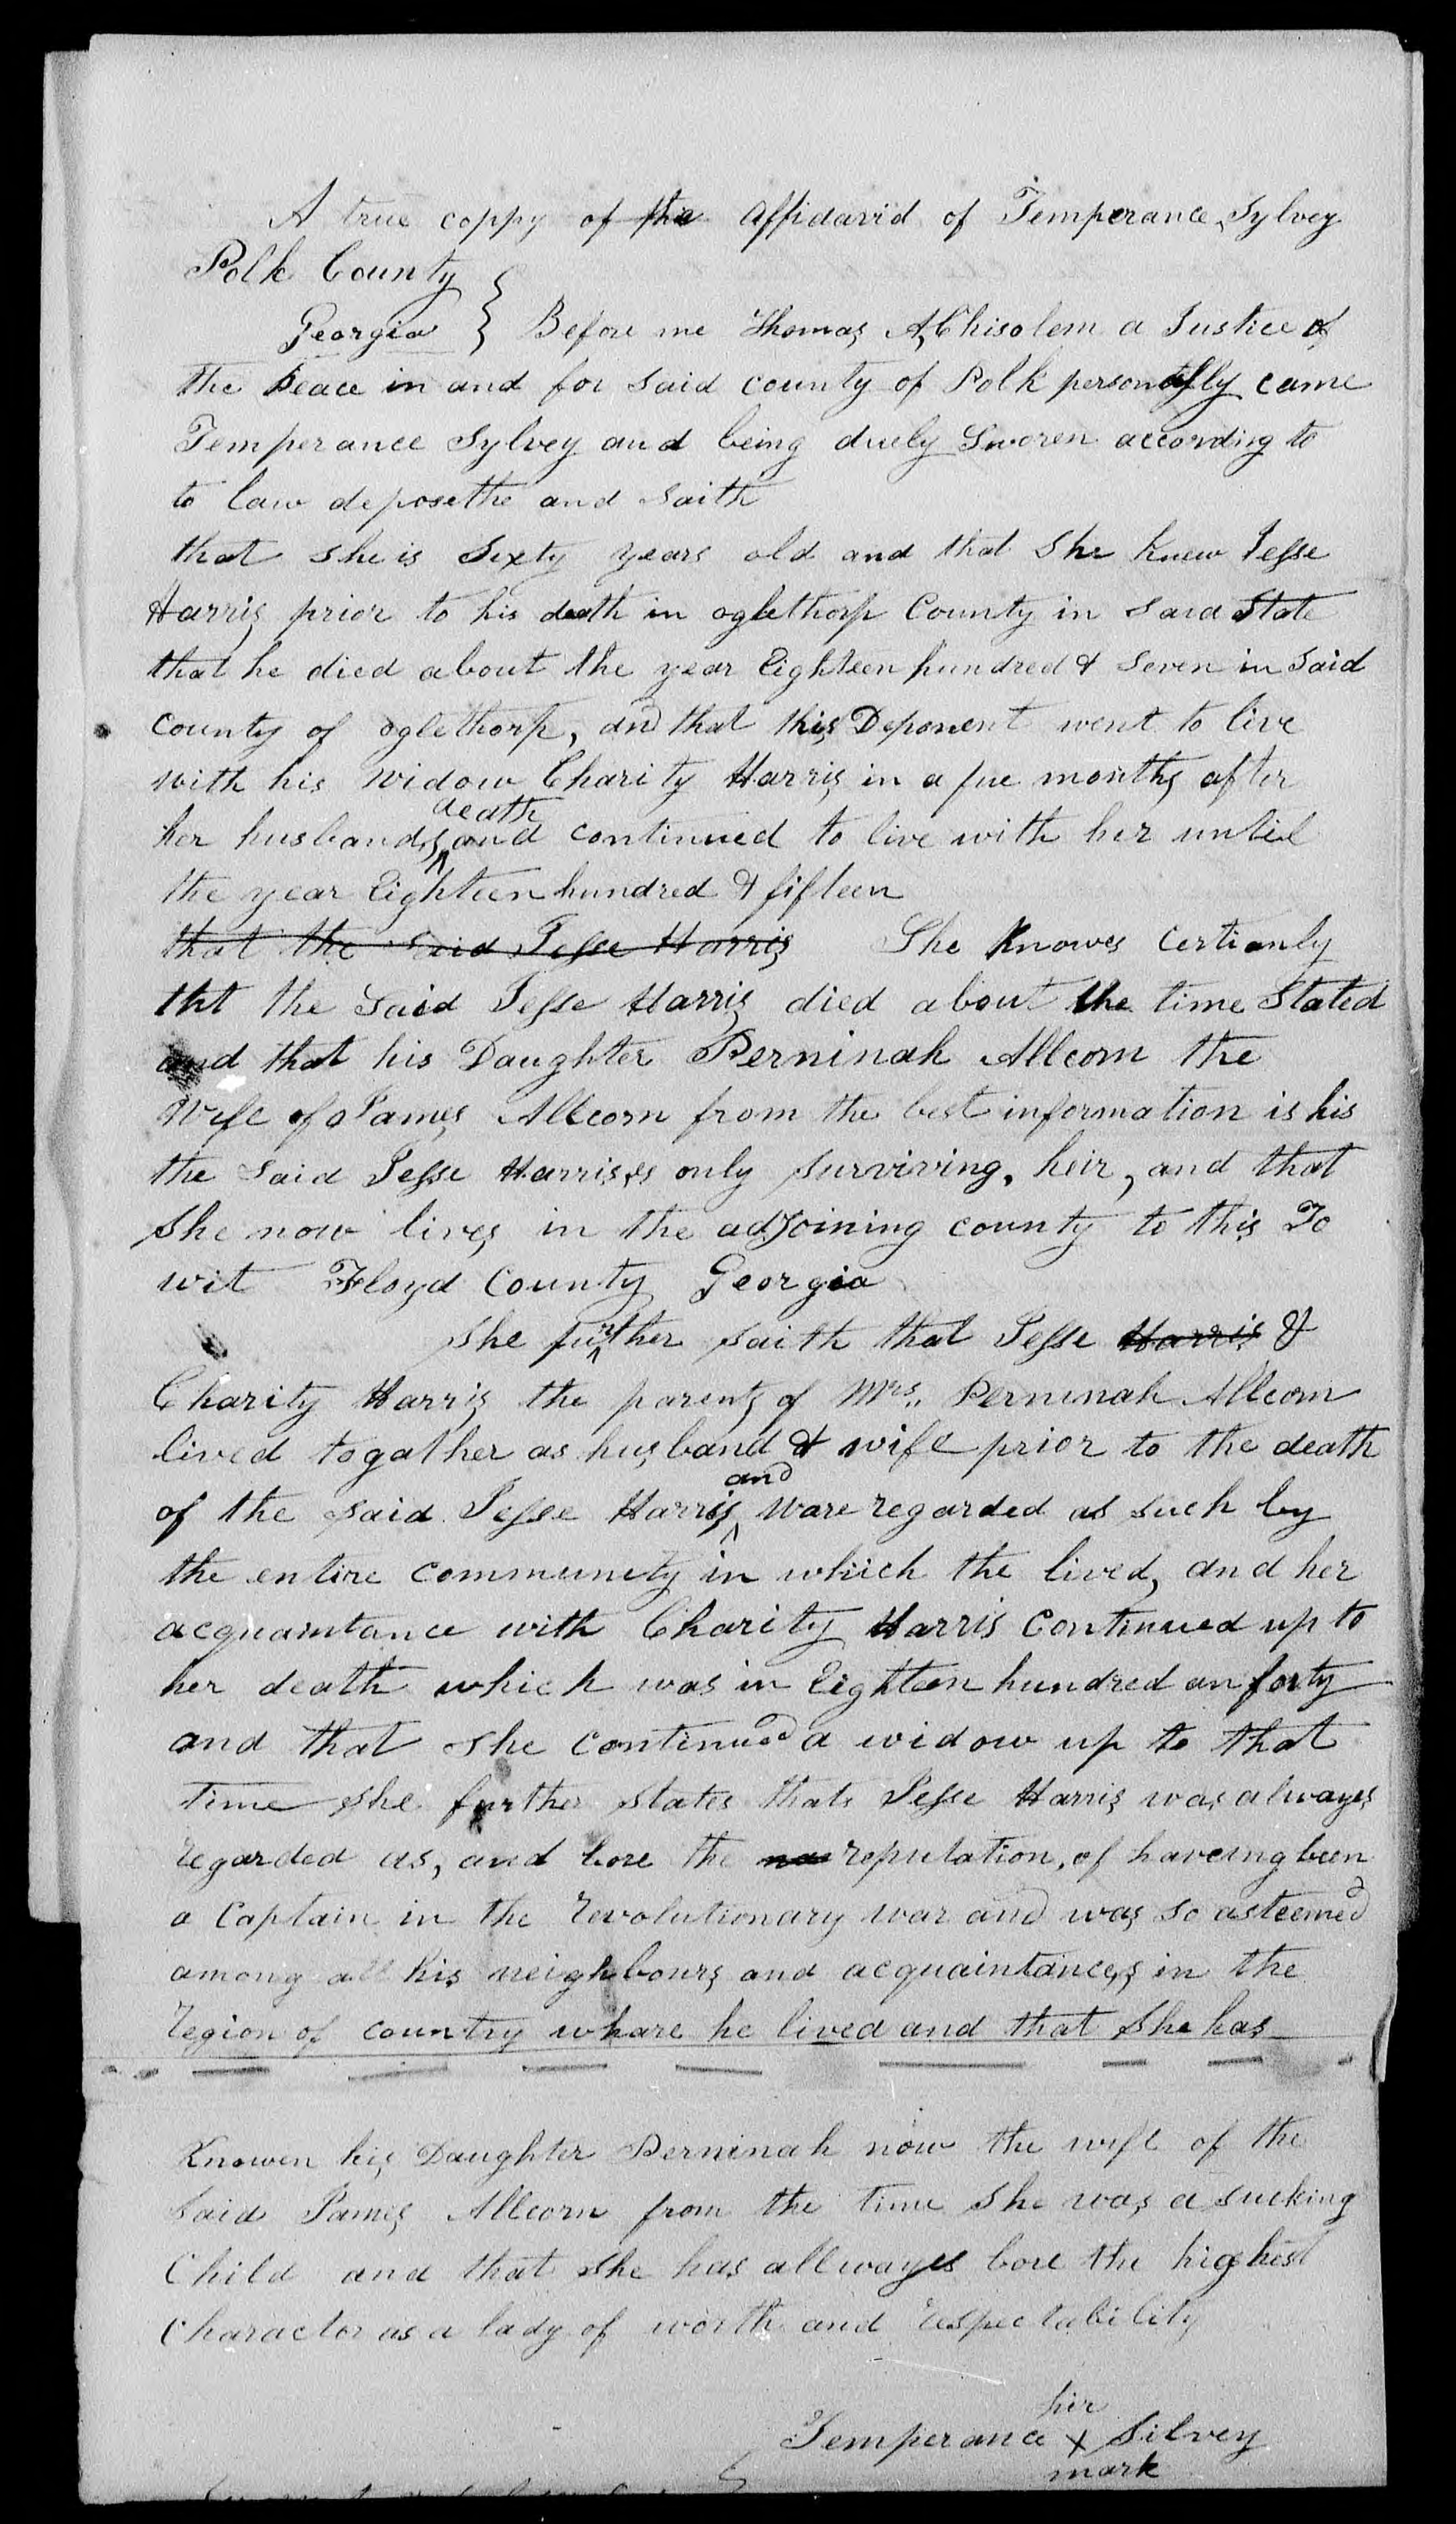A true coppy of the affidavit of Temperance Sylvey. 
Polk County Georgia }
Before me Thomas A Chisolom a Justice of the Peace in and for said county of Polk personally came Temperance Sylvey and being duly sworn according to to law deposeth and saith that she is sixty years old and that she knew Jesse Harris prior to his death in ogethorp County in said State that he died about the year Eighteen hundred & seven in said county of oglethorp, and that this Deponent went to live with his widow Charity Harris in a few months after her husband's death and continued to live with her until the year Eighteen hundred & fifteen.  
She knows certainly that the said Jesse Harris died about the time stated and that his daughter Perninah Allcorn the wife of James Allcorn from the best information is his the said Jesse Harris's only surviving heir, and that she now lives in the adjoining county to this to wit Floyd County Georgia.
She further saith that Jesse Harris & Charity Harris the parents of Mrs. Perninah Allcorn lived together as husband & wife prior to the death of the said Jesse Harris and were regarded as such by the entire community in which the lived, and her acquaintance with Charity Harris continued up to her death which was in Eighteen hundred and forty and that she continued a widow up to that time, she further states that Jesse Harris was always regarded as and bore the reputation of having been a Captain in the Revolutionary war and was so esteemed among all his neighbours and acquaintances in the region of country where he lived and that she has known his daughter Perninah now the wife of the said James Allcorn from the time she was a sucking child and that she has allways bore the highest character as a lady of worth and respectability.
[right] her
[right] Temperance   X   Silvey [X is her mark in lieu of signature]
[right] mark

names: Perninah, Charity Harris, Jesse Harris, Thomas A Chisolom, Temperance Sylvey, Jesse Harris, Jesse Harris, Jesse Harris, Charity Harris, Jessee Harris, Temperance Silvey, Jesse Harris, Perninah Allcorn, James Allcorn, James Allcorn, Jesse Harris, Charity Harris, Perninah Allcorn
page: 4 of 32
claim: rejected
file: R. 4655, Jesse Harris, N.C.